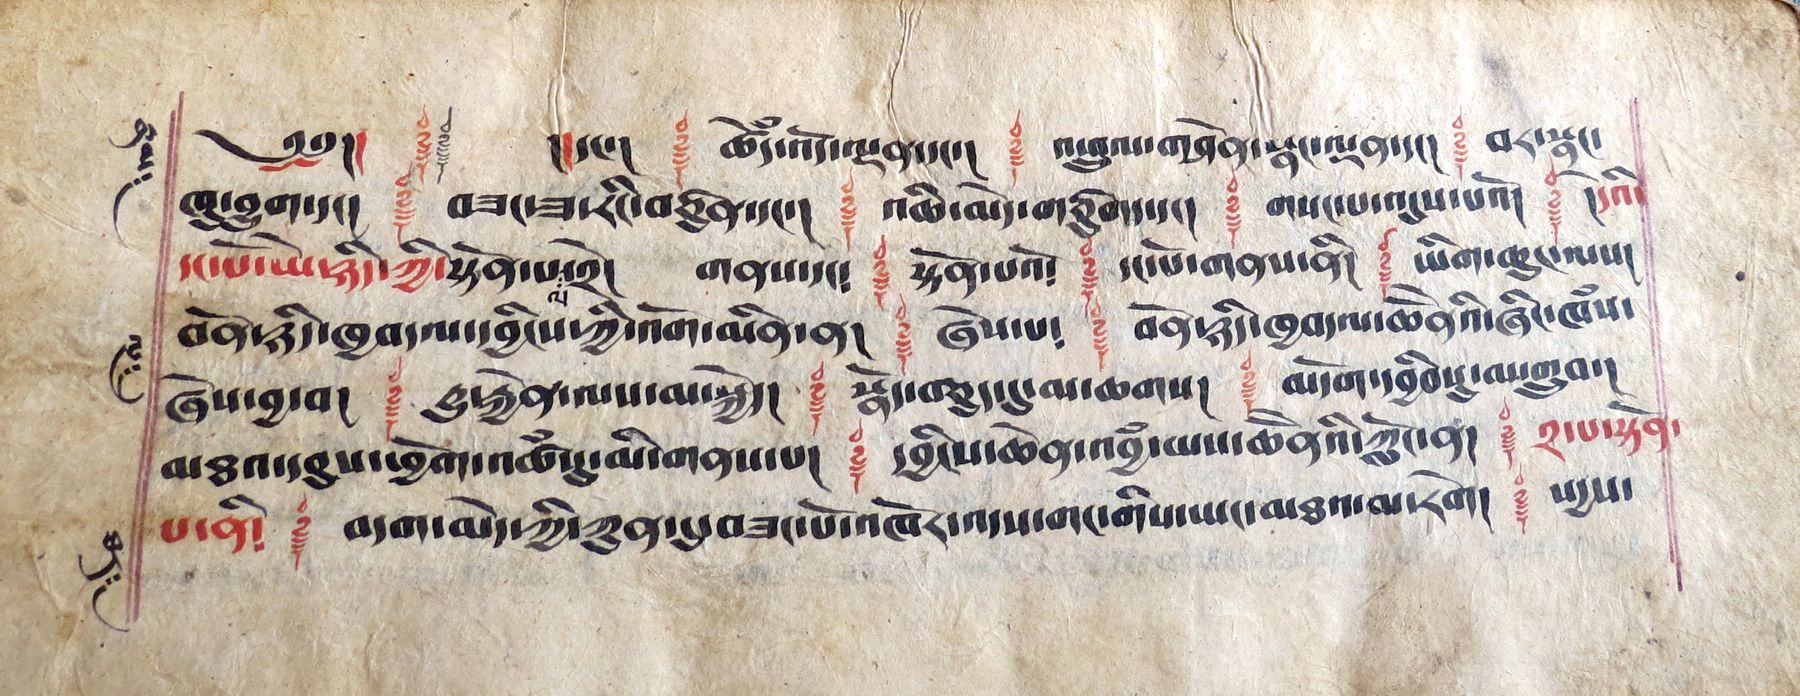དང་། ཚད་མེད་འོད་ལྡན་དང་། འཕྲུལ་གཤེན་སྣང་ལྡན་དང་། བར་སྣང་
ཁུ་བྱུག་དང་བཟང་བཟའ་རིང་བཙུན་དང་། འཆི་མེད་གཙུག་ཕུད་དང་། གསང་བ་འདུས་པའོ། ། དེའི་
དང་པོ་ཡེ་ཉིད་ཀྱི་སྟོན་པ་ལ་གཉིས་ཏེ། གནས་དང་། སྟོན་པའོ། ། དང་པོ་གནས་ནི། ཡིག་ཆུང་ལས། 
བོན་ཉིད་ཁྱབ་བདལ་དབྱིངས་ཀྱི་འོག་མིན་ན་ཞེས་པ། བོན་ཉིད་ཁྱབ་བདལ་ཆེན་པོའི་ཞིང་ཁམས་
ཞེས་བྱ་བ། རྒྱུ་རྐྱེན་ལས་མ་བསྐྱེད། སྣོད་བཅུད་དུ་མ་ཆགས། མདོག་དབྱིབས་སུ་མ་གྲུབ། 
མཐའ་དབུས་ཕྱོགས་མཚམས་སུ་མི་གནས་པ། དབྱིངས་ཆེན་འབྱམས་ཡས་ཆེན་པོའི་ཀློང་ན། གཉིས་པ་སྟོན་
པ་ནི། བདག་མེད་ཀྱི་ཀུན་ཏུ་བཟང་པོ། འཁོར་འདས་གང་གི་ཡང་མཐས་མ་རེག སངས་རྒྱས་